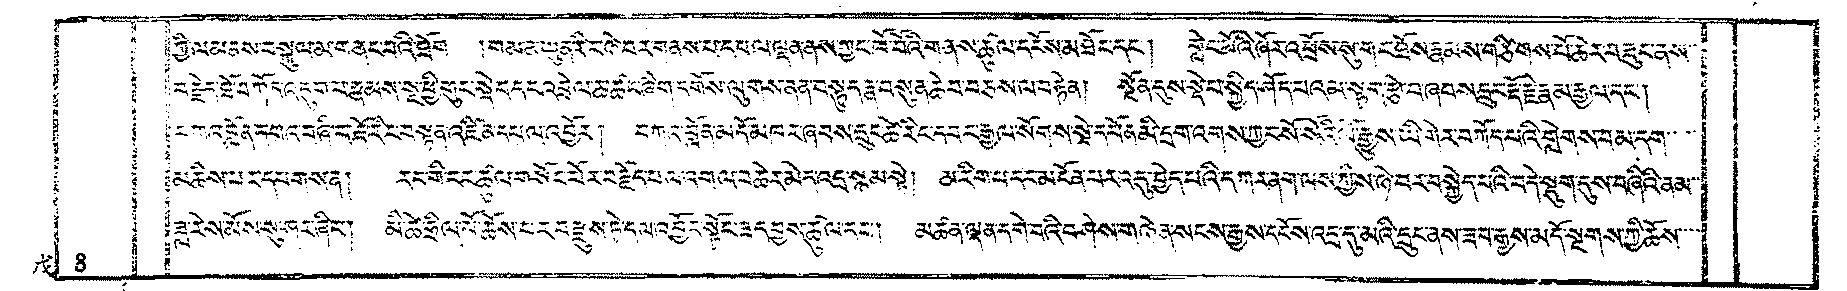ཀྱི་ལམ་ནས་བསྐུལ་མ་གནང་བའི་ཐོག །གམ་ན་ཡུན་རིང་ཉེ་བར་གནས་པ་དཔལ་ལྡན་ནས་ཀྱང་ཁོ་བོའི་གནས་ཚུལ་དངོས་མཐོང་དང་། གླེང་མོའི་ཞོར་འཕྲོས་སུ་གང་ཐོས་རྣམས་གཙིགས་པོ་ཆེར་བཟུང་ནས་
བརྗེད་ཐོ་བཀོད་འདུག་པ་རྣམས་སྔ་ཕྱི་གུང་སྡེབ་དང་འབྲེལ་ཆ་ཚང་ཞིག་དགོས་ལུགས་ནན་བསྟུད་རྣ་བསུན་ཆེ་བ་བཅས་ལ་བརྟེན། སྔོན་དུས་སྡེ་པ་སྐྱིད་ཤོད་པའམ་སྟག་རྩེ་བ་ཞབས་དྲུང་རྡོ་རྗེ་རྣམ་རྒྱལ་དང་།
བཀའ་བློན་དགའ་བཞི་བ་རྡོ་རིང་བསྟན་འཛིན་དཔལ་འབྱོར། བཀའ་བློན་མདོ་མཁར་ཞབས་དྲུང་ཚེ་རིང་དབང་རྒྱལ་སོགས་སྡེ་དཔོན་མི་དྲག་འགས་ཀྱང་སོ་སོའི་ལོ་རྒྱུས་ཡི་གེར་བཀོད་པའི་གླེགས་བམ་དག་
མཆིས་པར་དཔགས་ན། རང་གི་ངང་ཚུལ་གསོང་པོར་བརྗོད་པ་ལ་འགལ་བ་ཆེར་མེད་འདྲ་སྙམ་སྟེ། མ་རིག་པ་དང་མངོན་པར་འདུ་བྱེད་པའི་དཀར་ནག་ལས་ཀྱིས་ཉེ་བར་བསྐྱེད་པའི་བདེ་སྡུག་དུས་བཞིའི་ནམ་
ཟླ་རེས་མོས་སུ་ཤར་ཞིང་། མི་ཚེ་ཧྲིལ་པོ་ཆོས་པར་བརྫུས་ཏེ་དལ་འབྱོར་སྟོང་ཟད་བྱས་ཚུལ་དང་། མཚན་ལྡན་དགེ་བའི་བཤེས་གཉེན་སངས་རྒྱས་དངོས་འདྲ་དུ་མའི་དྲུང་ནས་ཟབ་རྒྱས་མདོ་སྔགས་ཀྱི་ཆོས་